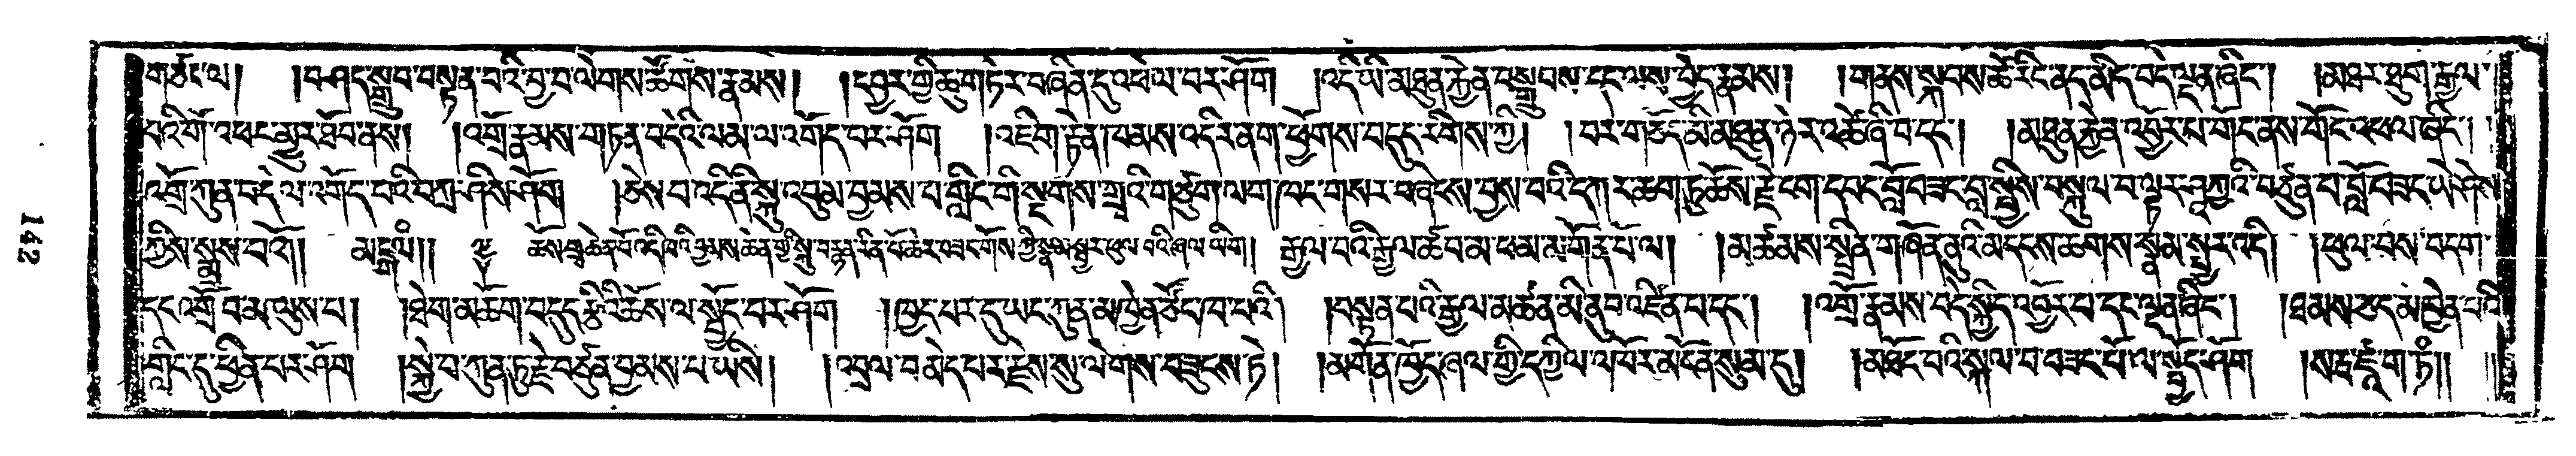གཙང་ལ། །བཤད་སྒྲུབ་བསྟན་བའི་བྱ་བ་ལེགས་ཚོགས་རྣམས། །དབྱར་གྱི་ཆུ་གཏེར་བཞིན་དུ་འཕེལ་བར་ཤོག །འདི་ཡི་མཐུན་རྐྱེན་བསྒྲུབས་དང་ལས་བྱེད་རྣམས། །གནས་སྐབས་ཚེ་རིང་ནད་མིད་བདེ་ལྡན་ཞིང་། །མཐར་ཐུག་རྒྱལ་
བའི་གོ་འཕང་མྱུར་ཐོབ་ནས། །འགྲོ་རྣམས་གཏན་བདེའི་ལམ་ལ་འགོད་པར་ཤོག །འཇིག་རྟེན་ཁམས་འདིར་ནག་ཕྱོགས་བདུད་རིགས་ཀྱི། །བར་གཅོད་མི་མཐུན་ཉེར་འཚེ་ཞི་བ་དང་། །མཐུན་རྐྱེན་འབྱོར་པ་གོང་ནས་གོང་འཕལ་ཞིང་། །
འགྲོ་ཀུན་བདེ་ལ་འགོད་པའི་བཀྲ་ཤིས་ཤོག །ཅེས་བ་འདི་ནི་སྐུ་འབུམ་བྱམས་པ་གླིང་གི་སྔགས་གྲྭའི་གཙུག་ལག་ཁང་གསར་བཞེངས་བྱས་བའི་དཀར་ཆག་ཏུ་ཆོས་རྗེ་ངག་དབང་བློ་བཟང་བླ་སྤྱིས་བསྐུལ་བ་ལྟར་ཤཱཀྱའི་བཙུན་པ་བློ་བཟང་ཡེ་ཤེས་
ཀྱིས་སྨྲས་བའོ།། མངྒལཾ།། ༈ ཆོས་གྲྭ་ཆེན་པོ་འདི་ཁའི་བྱམས་ཆེན་གྱི་སྐུ་བརྙན་རིན་པོ་ཆེར་བཟང་གོས་ཀྱི་སྣམ་སྦྱར་ཕུལ་བའི་ཞལ་ཡིག།  རྒྱལ་བའི་རྒྱལ་ཚབ་མ་ཕམ་མགོན་པོ་ལ། །མཚམས་སྤྲིན་གཞོན་ནུའི་མདངས་ཆགས་སྣམ་སྤྱར་འདི། །ཕུལ་བས་བདག་
དང་འགྲོ་བ་མ་ལུས་པ། །ཐེག་མཆོག་བདུད་རྩིའི་ཆོས་ལ་སྦྱོང་བར་ཤོག །ཁྱད་པར་དུ་ཡང་ཀུན་མཁྱེན་ཙོང་ཁ་པའི། །བསྟན་པའི་རྒྱལ་མཚན་མི་ནུབ་འཛིན་པ་དང་། །འགྲོ་རྣམས་བདེ་སྐྱིད་འབྱོར་པ་དང་ལྡན་ཞིང་། །ཐམས་ཅད་མཁྱེན་པའི་
གླིང་དུ་ཕྱིན་པར་ཤོག །སྐྱེ་བ་ཀུན་ཏུ་རྗེ་བཙུན་བྱམས་པ་ཡིས། །འབྲལ་བ་མེད་པར་རྗེས་སུ་ལེགས་བཟུངས་ཏེ། །མགོན་ཁྱོད་ཞལ་གྱི་དཀྱིལ་འཁོར་མངོན་སུམ་དུ། །མཐོང་བའི་སྐལ་བ་བཟང་པོ་ལ་སྤྱོད་ཤོག །སརྦ་ཛཱ་ག་ཏཾ།། །།